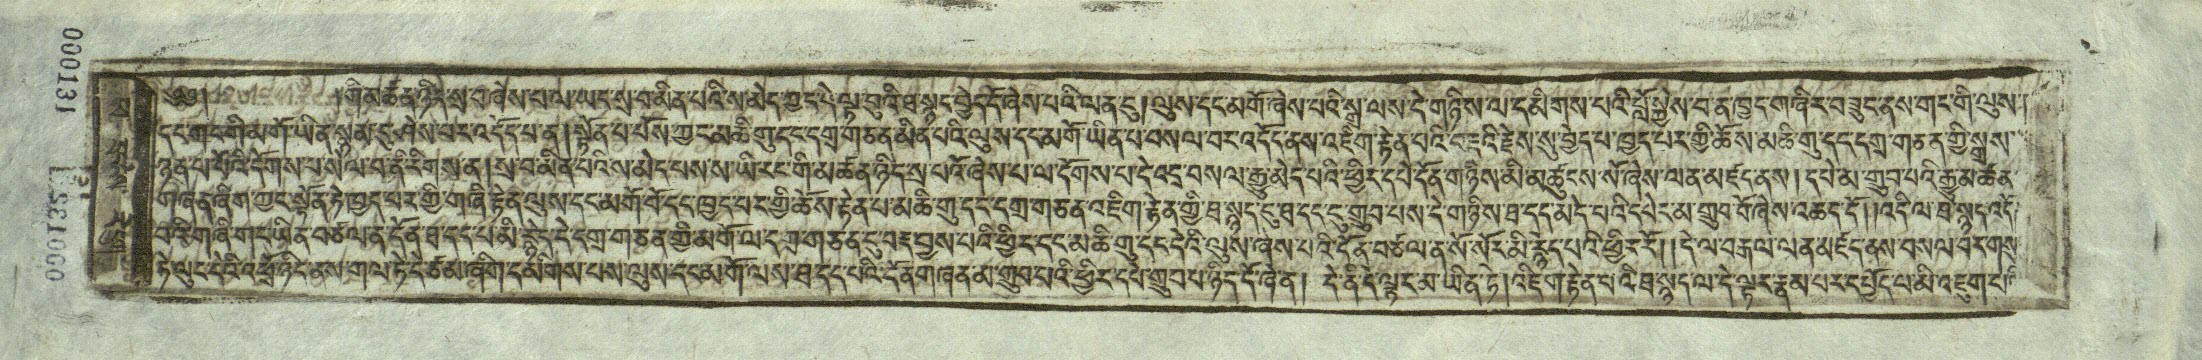༄༅། །གི་མཚན་ཉིད་སྲ་བ་ཞེས་པ་ལ་ཡང་སྲ་བ་མིན་པའི་ས་མེད་ཀྱང་དེ་ལྟ་བུའི་ཐ་སྙད་བྱེད་དོ་ཞེས་པའི་ལན་དུ། ལུས་དང་མགོ་ཞེས་པའི་སྒྲ་ལས་དེ་གཉིས་ལ་དམིགས་པའི་བློ་སྐྱེས་པ་ན་ཁྱད་གཞིར་བཟུང་ནས་གང་གི་ལུས་
དང་གང་གི་མགོ་ཡིན་སྙམ་དུ་ཤེས་པར་འདོད་པ་ན། སྟོན་པ་པོས་ཀྱང་མཆི་གུ་དང་དགྲ་གཅན་མིན་པའི་ལུས་དང་མགོ་ཡིན་པ་བསལ་བར་འདོད་ནས་འཇིག་རྟེན་པའི་བརྡའི་རྗེས་སུ་བྱེད་པ་ཁྱད་པར་གྱི་ཆོས་མཆི་གུ་དང་དགྲ་གཅན་གྱི་སྒྲས་
ཉན་པ་པོའི་དོགས་པ་སེལ་བ་ནི་རིགས་ན། སྲ་བ་མིན་པའི་ས་མེད་པས་ས་ཡི་རང་གི་མཚན་ཉིད་སྲ་བའོ་ཞེས་པ་ལ་དགོས་པ་དེ་འདྲ་བསལ་རྒྱུ་མེད་པའི་ཕྱིར་དཔེ་དོན་གཉིས་མི་མཚུངས་སོ་ཞེས་ལན་མཛད་ནས། དཔེ་མ་གྲུབ་པའི་རྒྱུ་མཚན་
གཞན་ཞིག་ཀྱང་སྟོན་ཏེ་ཁྱད་པར་གྱི་གཞི་རྟེན་ལུས་དང་མགོ་བོ་དང་ཁྱད་པར་གྱི་ཆོས་རྟེན་པ་མཆི་གུ་དང་དགྲ་གཅན་འཇིག་རྟེན་ཀྱི་ཐ་སྙད་དུ་ཐ་དད་དུ་གྲུབ་པས་དེ་གཉིས་ཐ་དད་མེད་པའི་དཔེར་མ་གྲུབ་བོ་ཞེས་འཆད་དོ། །འདི་ལ་ཐ་སྙད་འདོགས་
པའི་གཞི་གང་ཡིན་བཙལ་ན་དོན་ཐ་དད་པ་མི་རྙེད་དེ་དགྲ་གཅན་གྱི་མགོ་ལ་དགྲ་གཅན་དུ་བར་བྱས་པའི་ཕྱིར་དང་མཆི་གུ་དང་དེའི་ལུས་ཞེས་པའི་དོན་བཙལ་ན་སོ་སོར་མི་རྙེད་པའི་ཕྱིར་རོ། །དེ་ལ་བརྒལ་ལན་མཛད་ནས་བསལ་བར་གསུངས་
ཏེ་ལུང་དེའི་འཕྲོ་ཉིད་ནས་གལ་ཏེ་དེ་ཙམ་ཞིག་དམིགས་པས་ལུས་དང་མགོ་ལས་ཐ་དད་པའི་དོན་གཞན་མ་གྲུབ་པའི་ཕྱིར་དཔེ་གྲུབ་པ་ཉིད་དོ་ཞེ་ན། དེ་ནི་དེ་ལྟར་མ་ཡིན་ཏེ། འཇིག་རྟེན་པའི་ཐ་སྙད་ལ་དེ་ལྟར་རྣམ་པར་དཔྱོད་པ་མི་འཇུག་པའི་